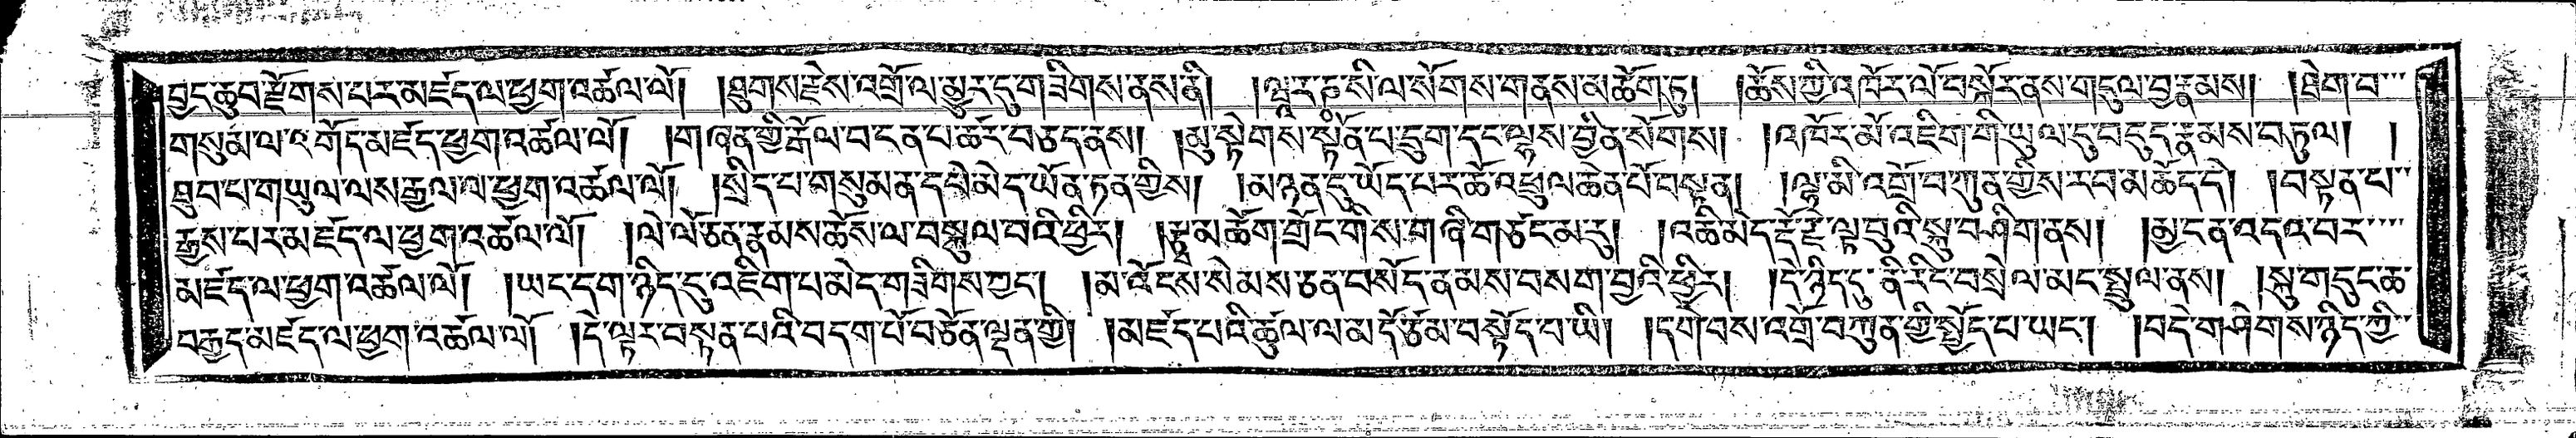བྱང་ཆུབ་རྫོགས་པར་མཛད་ལ་ཕྱག་འཚལ་ལོ། །ཐུགས་རྗེས་འགྲོ་ལ་མྱུར་དུ་གཟིགས་ནས་ནི། །ཝཱ་ར་ཎ་སི་ལ་སོགས་གནས་མཆོག་ཏུ། །ཆོས་ཀྱི་འཁོར་ལོ་བསྐོར་ནས་གདུལ་བྱ་རྣམས། །ཐེག་པ་
གསུམ་ལ་འགོད་མཛད་ཕྱག་འཚལ་ལོ། །གཞན་གྱི་རྒོལ་བ་ངན་པ་ཚར་བཅད་ནས། །མུ་སྟེགས་སྟོན་པ་དྲུག་དང་ལྷས་བྱིན་སོགས། །འཁོར་མོ་འཇིག་གི་ཡུལ་དུ་བདུད་རྣམས་བཏུལ། །
ཐུབ་པ་གཡུལ་ལས་རྒྱལ་ལ་ཕྱག་འཚལ་ལོ། །སྲིད་པ་གསུམ་ན་དཔེ་མེད་ཡོན་ཏན་གྱིས། །མཉན་དུ་ཡོད་པར་ཆོ་འཕྲུལ་ཆེན་པོ་བསྟན། །ལྷ་མི་འགྲོ་བ་ཀུན་གྱིས་རབ་མཆོད་དེ། །བསྟན་པ་
རྒྱས་པར་མཛད་ལ་ཕྱག་འཚལ་ལོ། །ལེ་ལོ་ཅན་རྣམས་ཆོས་ལ་བསྐུལ་བའི་ཕྱིར། །རྩྭ་མཆོག་གྲོང་གི་ས་གཞི་གཙང་མ་རུ། །འཆི་མེད་རྡོ་རྗེ་ལྟ་བུའི་སྐུ་བཤིག་ནས། །མྱ་ངན་འདའ་བར་
མཛད་ལ་ཕྱག་འཚལ་ལོ། །ཡང་དག་ཉིད་དུ་འཇིག་པ་མེད་གཟིགས་ཀྱང་། །མ་འོངས་སེམས་ཅན་བསོད་ནམས་བསག་བྱའི་ཕྱིར། །དེ་ཉིད་དུ་ནི་རིང་བསྲེལ་མང་སྤྲུལ་ནས། །སྐུ་གདུང་ཆ་
བརྒྱད་མཛད་ལ་ཕྱག་འཚལ་ལོ། །དེ་ལྟར་བསྟན་པའི་བདག་པོ་བཅོན་ལྡན་གྱི། །མཛད་པའི་ཚུལ་ལ་མདོ་ཙམ་བསྟོད་པ་ཡི། །དགེ་བས་འགྲོ་བ་ཀུན་གྱི་སྤྱོད་པ་ཡང་། །བདེ་གཤེགས་ཉིད་ཀྱི་